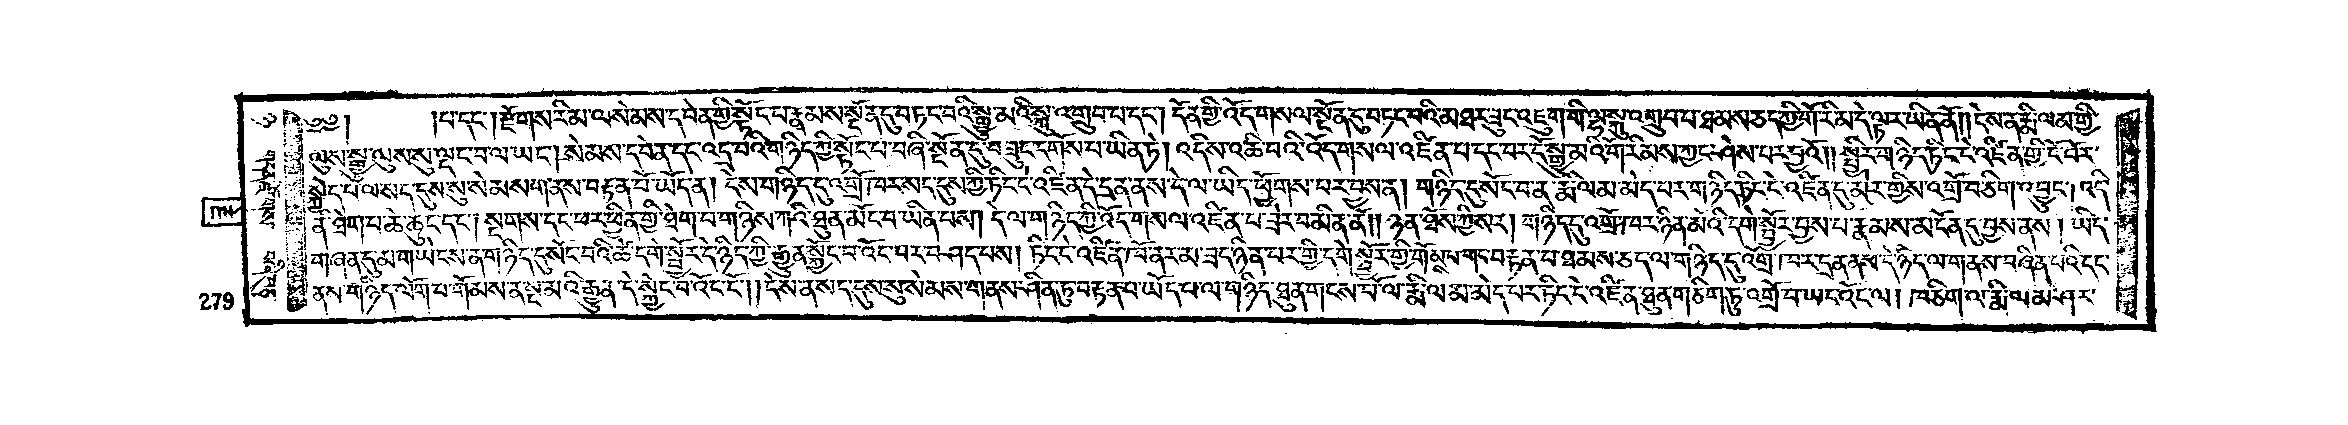༄༅། །པ་དང་། རྫོགས་རིམ་ལ་སེམས་དབེན་གྱི་སྟོང་པ་རྣམས་སྔོན་དུ་བཏང་བའི་སྒྱུ་མའི་སྐུ་འགྲུབ་པ་དང་། དོན་གྱི་འོད་གསལ་སྔོན་དུ་བཏང་བའི་མཐར་ཟུང་འཇུག་གི་ལྷ་སྐུ་འགྲུབ་པ་ཐམས་ཅད་ཀྱི་གོ་རིམ་དེ་ལྟར་ཡིན་ནོ། །དེས་ན་རྨི་ལམ་གྱི་
ལུས་སྒྱུ་ལུས་སུ་ལྡང་བ་ལ་ཡང་། སེམས་དབེན་དང་འདྲ་བའི་གཉིད་ཀྱི་སྟོང་པ་བཞི་སྔོན་དུ་བཟུང་དགོས་པ་ཡིན་ཏེ། འདིས་འཆི་བའི་འོད་གསལ་འཛིན་པ་དང་བར་དོ་སྒྱུ་མའི་གོ་རིམས་ཀྱང་ཤེས་པར་བྱའོ། །སྤྱིར་གཉིད་ཏིང་ངེ་འཛིན་གྱི་ངོ་བོར་
སྐྱེད་པ་ལ་སད་དུས་སུ་སེམས་གནས་བརྟན་པོ་ཡོད་ན། དེས་གཉིད་དུ་འགྲོ་ཁར་སད་དུས་ཀྱི་ཏིང་ངེ་འཛིན་དེ་དྲན་ནས་དེ་ལ་ཡིད་ཕྱོགས་པར་བྱས་ན། གཉིད་དུ་སོང་བ་ན་རྨི་ལམ་མེད་པར་གཉིད་ཏིང་ངེ་འཛིན་དུ་མེར་གྱིས་འགྲོ་བ་ཅིག་འབྱུང་། འདི་
ནི་ཐེག་པ་ཆེ་ཆུང་དང་། སྔགས་དང་ཕར་ཕྱིན་གྱི་ཐེག་པ་གཉིས་ཀའི་ཐུན་མོང་བ་ཡིན་པས། དེ་ལ་གཉིད་ཀྱི་འོད་གསལ་འཛིན་པ་ཟེར་བ་མིན་ནོ། །ཉན་ཐོས་ཀྱི་སར། གཉིད་དུ་འགྲོ་ཁར་ཉིན་མོའི་དགེ་སྦྱོར་བྱས་པ་རྣམས་མངོན་དུ་བྱས་ནས། ཡིད་
གཞན་དུ་མ་གཡེངས་ན་གཉིད་དུ་སོང་བའི་ཚེ་དགེ་སྦྱོར་དེ་ཉིད་ཀྱི་རྒྱུན་སྐྱོང་བ་འོང་བར་བཤད་པས། ཏིང་ངེ་འཛིན་ཁོ་ནར་མ་ཟད་ཉིན་པར་གྱི་དགེ་སྦྱོར་གྱི་གོམས་པ་གང་བརྟན་པ་ཐམས་ཅད་ལ་གཉིད་དུ་འགྲོ་ཁར་དྲན་ནས་དེ་ཉིད་ལ་གནས་བཞིན་པའི་དང་
ནས་གཉིད་ལོག་པ་གོམས་ན་སྔ་མའི་རྒྱུན་དེ་སྐྱོང་བ་འོང་ངོ། །དེས་ན་སད་དུས་སུ་སེམས་གནས་ཤིན་ཏུ་བརྟན་པ་ཡོད་པ་ལ་གཉིད་ཐུན་གངས་པོ་ལ་རྨི་ལམ་མེད་པར་ཏིང་ངེ་འཛིན་ཐུན་གཅིག་ཏུ་འགྲོ་བ་ཡང་འོང་ལ། ཁ་ཅིག་ལ་རྨི་ལམ་ཤར་